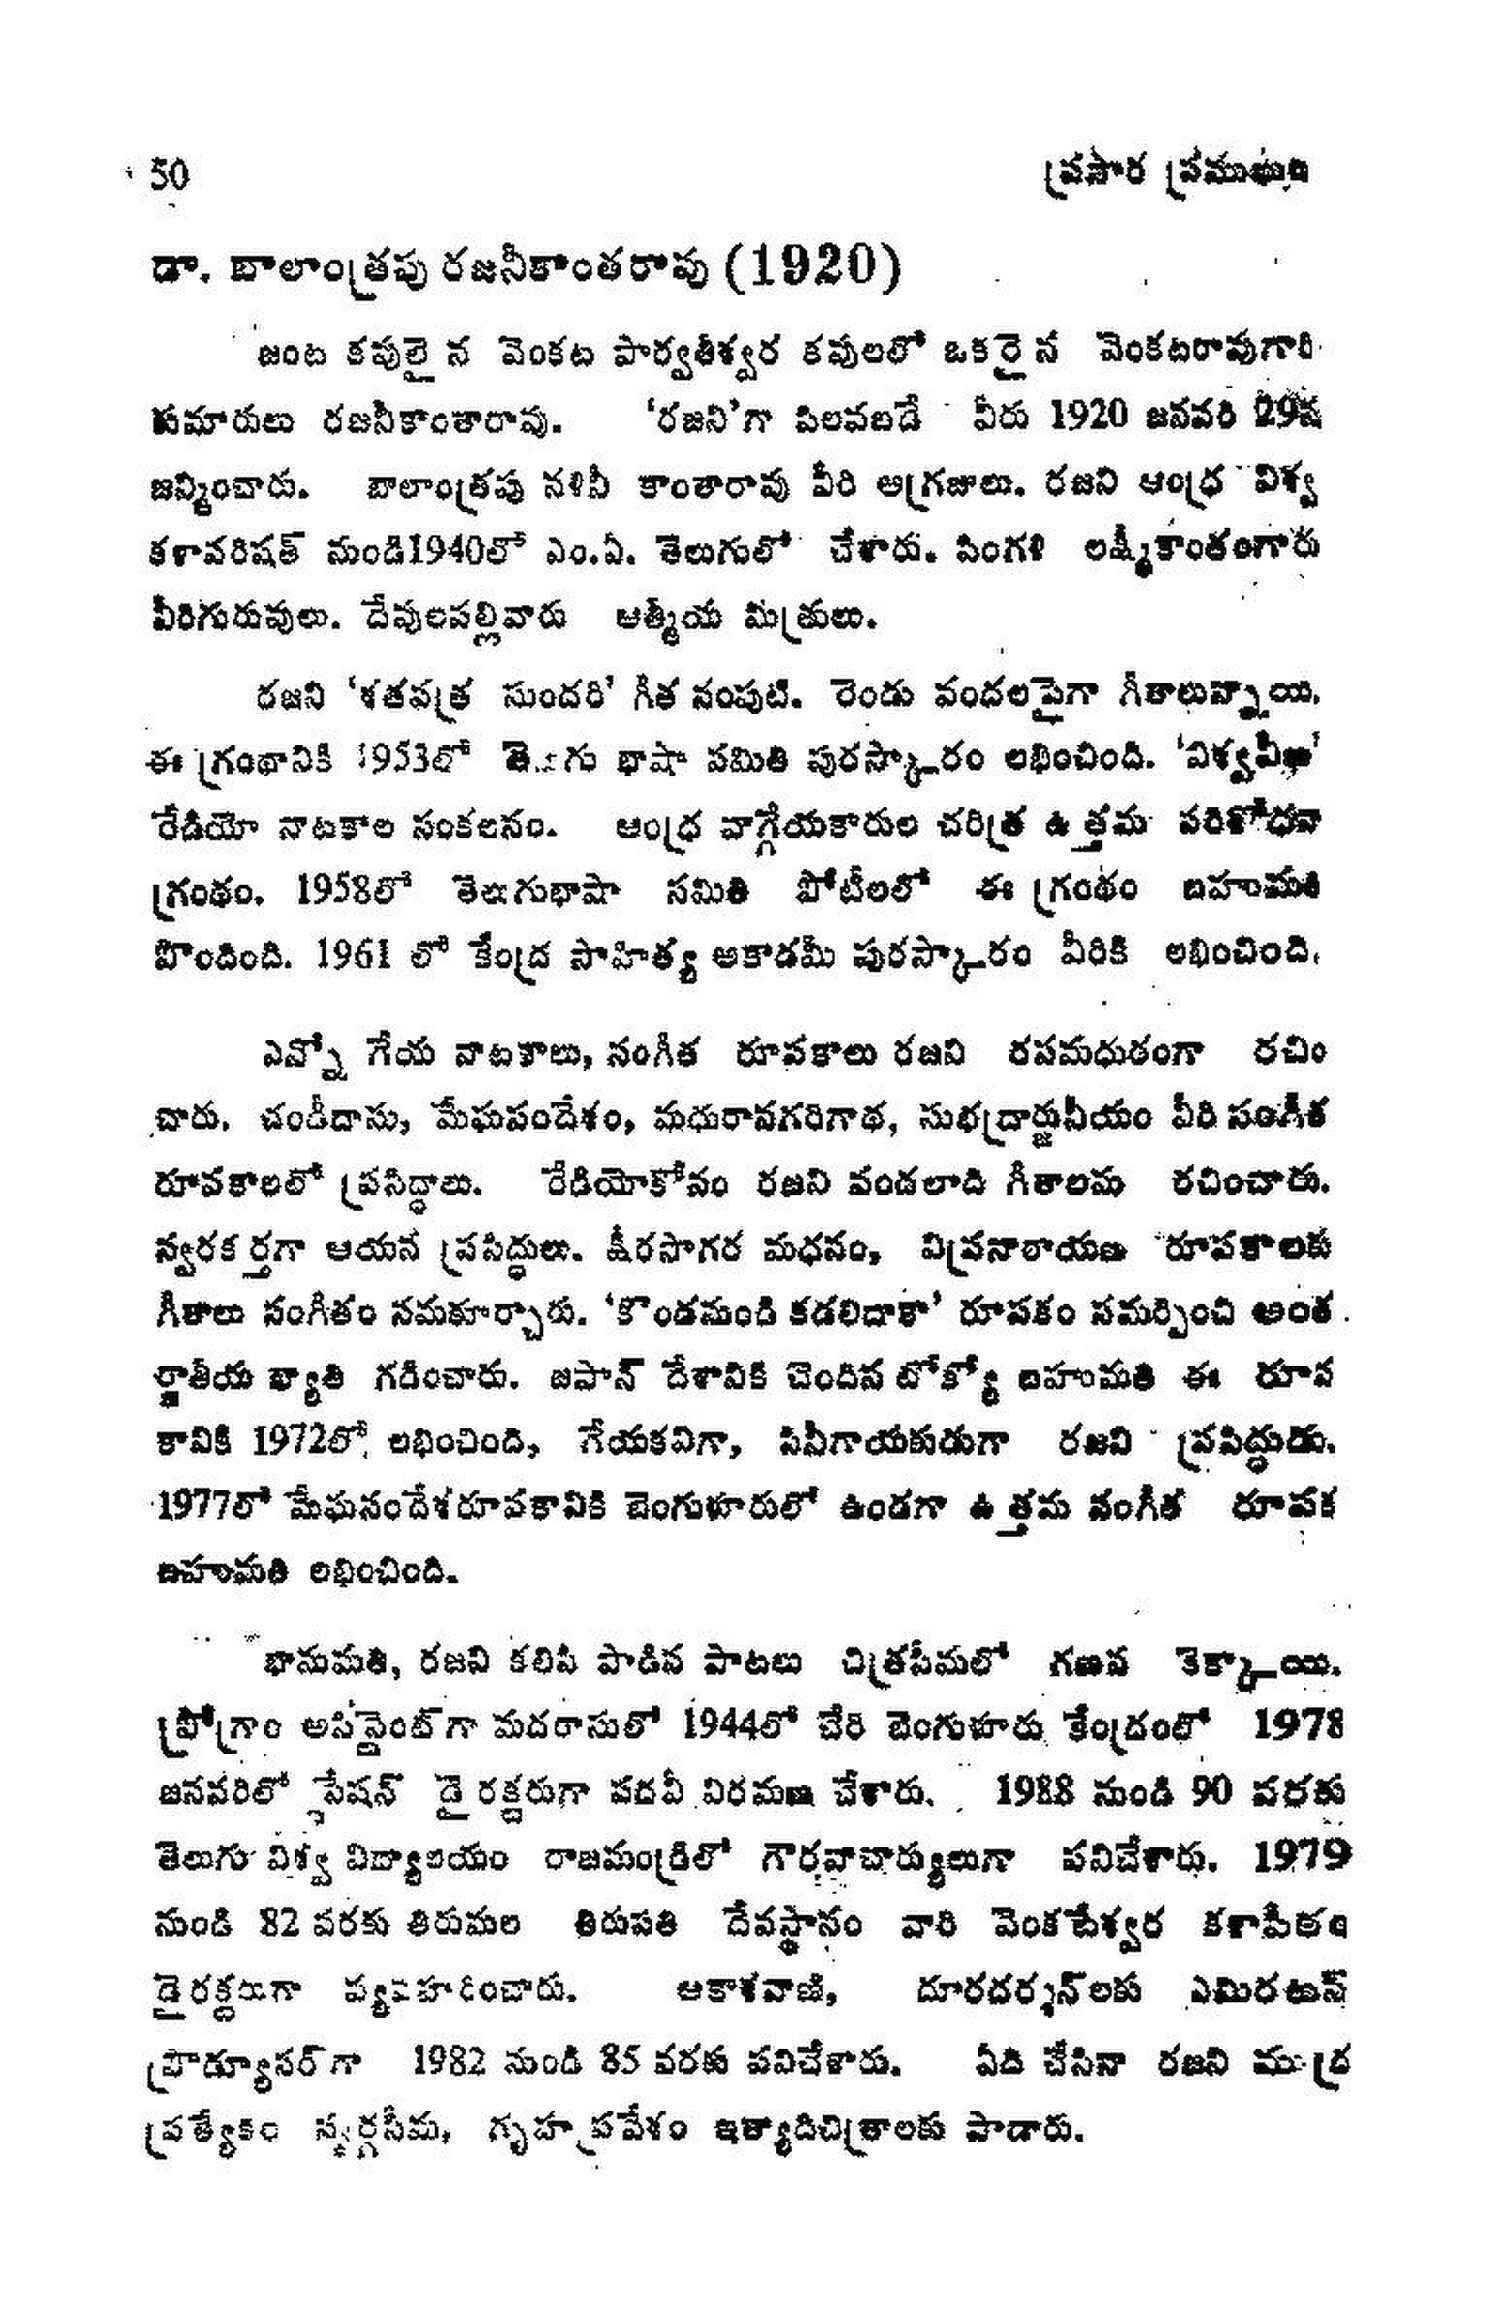జంట కవులైన వెంకట పార్వతీశ్వర కవులలో ఒకరైన వెంకటరావుగారి కుమారులు. రజనీకాంతారావు. 'రజని ' గా పిలవబడే వీరు 1920 జనవరి 29న జన్మించారు. బాలాంత్రపు నళినీ కాంతారావు వీరి అగ్రజులు. రజని ఆంధ్ర విశ్వ కళాపరిషత్ నుండి 1940లో ఎం.ఏ. తెలుగులో చేరారు. పింగళి లక్ష్మీకాంతం గారు వీరి గురువులు. దేవులపల్లివారు ఆత్మీయ మిత్రులు.

రజని శతపత్ర సుందరి గీత సంపుటి. రెండు వందలపైగా గీతాలున్నాయి. ఈ గ్రంథానికి 1953లో తెలుగు భాషా సమితి పురస్కారం లభించింది. విశ్వవీణ రేడియో నాటకాల సంకలనం. ఆంధ్ర వాగ్గేయకారుల చరిత్ర ఉత్తమ పరిశోధనా గ్రంథం. 1958లో తెలుగు భాషా సమితి పోటీలలో ఈ గ్రంథం బహుమతి పొందింది. 1961లో కేంద్ర సాహిత్య అకాడమీ పురస్కారం వీరికి లభించింది.

ఎన్నో గేయ నాటకాలు, సంగీత రూపకాలు రజని రసమధురంగా రచించారు. చండీదాసు, మేఘసందేశం, మధురానగరిగాథ, సుభద్రార్జునీయం వీరి సంగీత రూపకాలలో ప్రసిద్ధాలు. రేడియో కోసం రజని వందలాది గీతాలను రచించారు. స్వరకర్తగా ఆయన ప్రసిద్ధులు. క్షీరసాగర మధనం, విప్రనారాయణ రూపకాలకు గీతాలు సంగీతం సమకూర్చారు. కొండ నుండి కడలి దాకా రూపకం సమర్పించి అంతర్జాతీయ ఖ్యాతి గడించారు. జపాన్ దేశానికి చెందిన టోక్యో బహుమతి ఈ రూపకానికి 1972లో లభించింది. గేయకవిగా, సినీ గాయకుడుగా రజని ప్రసిద్ధుడు. 1977లో మేఘసందేశ రూపకానికి బెంగుళురులొ ఉండగా ఉత్తమ సంగీత రూపక బహుమతి లభించింది.

భానుమతి, రజని కలిసి పాడిన పాటలు చిత్రసీమలొ గణన కెక్కాయి. ప్రోగ్రాం అసిస్టెంట్ గా మదరాసులో 1944లో చేరి బెంగుళురు కేంద్రంలో 1978 జనవరిలో స్టేషన్ డైరక్టరుగా పదవీ విరమణ చేశారు. 1988 నుండి 90 వరకు తెలుగు విశ్వ విద్యాలయం రాజమండ్రిలో గౌరవాచార్యులుగా పనిచేశారు. 1979 నుండి 82 వరకు తిరుమల తిరుపతి దేవస్థానం వారి వెంకటేశ్వర కళాపీఠం డైరక్టరుగా వ్యవహరించారు. ఆకాశవాణి, దూరదర్శన్ లకు ఎమిరిటస్ ప్రొడ్యూసర్ గా 1982 నుండి 85 వరకు పనిచేశారు. ఏది చేసినా రజని ముద్ర ప్రత్యేకం. స్వర్గసిమ, గృహప్రవేశం ఇత్యాదిచిత్రాలకు పాడారు.